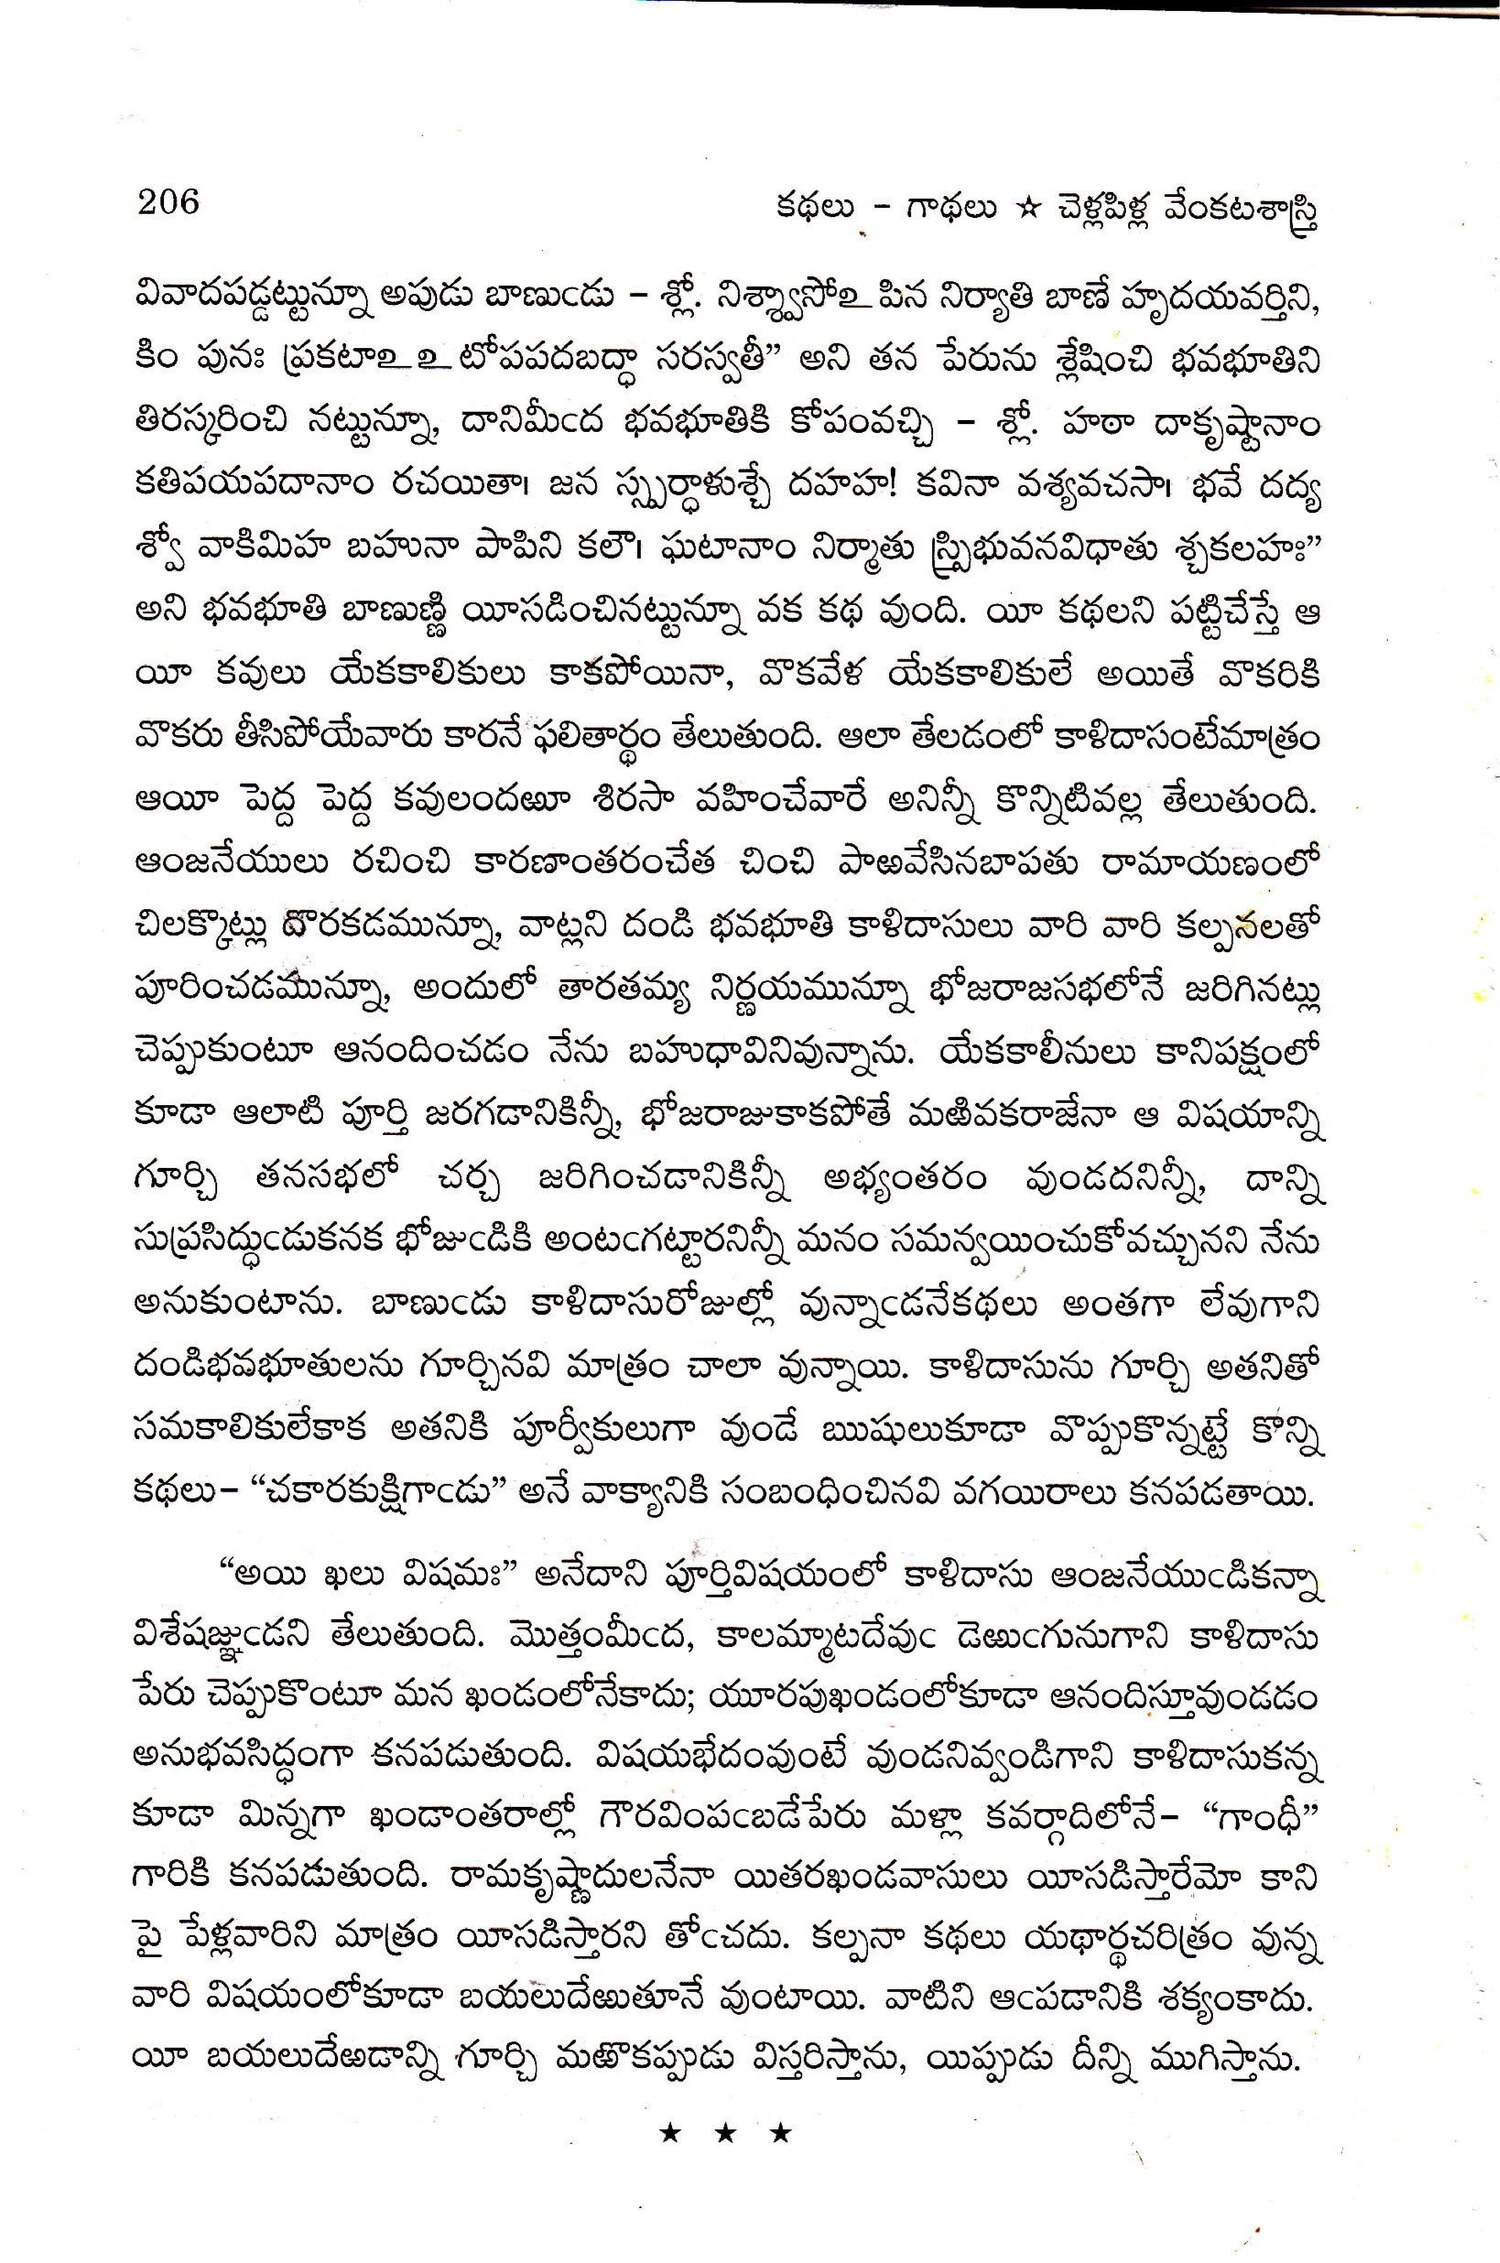వివాదపడ్డట్టున్నూ అపుడు బాణుఁడు - శ్లో. నిశ్శ్వాసో౽పిన నిర్యాతి బాణే హృదయవర్తిని, కిం పునః ప్రకటా౽౽టోపపదబద్ధా సరస్వతీ" అని తన పేరును శ్లేషించి భవభూతిని తిరస్కరించి నట్టున్నూ, దానిమీఁద భవభూతికి కోపంవచ్చి - శ్లో. హఠా దాకృష్టానాం కతిపయపదానాం రచయితా జన స్స్పర్ధాళుశ్చే దహహ! కవినా వశ్యవచసా| భవే దద్యశ్వో వాకిమిహ బహునా పాపిని కలౌ| ఘటానాం నిర్మాతు స్స్త్రిభువనవిధాతు శ్చకలహః" అని భవభూతి బాణుణ్ణి యీసడించినట్టున్నూ వక కథ వుంది. యీ కథలని పట్టిచేస్తే ఆ యీ కవులు యేకకాలికులు కాకపోయినా, వొకవేళ యేకకాలికులే అయితే వొకరికి వొకరు తీసిపోయేవారు కారనే ఫలితార్థం తేలుతుంది. ఆలా తేలడంలో కాళిదాసంటేమాత్రం ఆయీ పెద్ద పెద్ద కవులందఱూ శిరసా వహించేవారే అనిన్నీ కొన్నిటివల్ల తేలుతుంది. ఆంజనేయులు రచించి కారణాంతరంచేత చించి పాఱవేసినబాపతు రామాయణంలో చిలక్కొట్లు దొరకడమున్నూ, వాట్లని దండి భవభూతి కాళిదాసులు వారి వారి కల్పనలతో పూరించడమున్నూ అందులో తారతమ్య నిర్ణయమున్నూ భోజరాజసభలోనే జరిగినట్లు చెప్పుకుంటూ ఆనందించడం నేను బహుధావినివున్నాను. యేకకాలీనులు కానిపక్షంలో కూడా ఆలాటి పూర్తి జరగడానికిన్నీ భోజరాజుకాకపోతే మఱివకరాజేనా ఆ విషయాన్ని గూర్చి తనసభలో చర్చ జరిగించడానికిన్నీ అభ్యంతరం వుండదనిన్నీ, దాన్ని సుప్రసిద్దుఁడుకనక భోజుఁడికి అంటఁగట్టారనిన్నీ మనం సమన్వయించుకోవచ్చునని నేను అనుకుంటాను. బాణుఁడు కాళిదాసురోజుల్లో వున్నాఁడనేకథలు అంతగా లేవుగాని దండిభవభూతులను గూర్చినవి మాత్రం చాలా వున్నాయి. కాళిదాసును గూర్చి అతనితో సమకాలికులేకాక అతనికి పూర్వీకులుగా వుండే ఋషులుకూడా వొప్పుకొన్నట్టే కొన్ని కథలు- “చకారకుక్షిగాcడు" అనే వాక్యానికి సంబంధించినవి వగయిరాలు కనపడతాయి.

"అయి ఖలు విషమః" అనేదాని పూర్తివిషయంలో కాళిదాసు ఆంజనేయుఁడికన్నా విశేషజ్ఞుఁడని తేలుతుంది. మొత్తంమీఁద, కాలమ్మాటదేవుc డెఱుఁగునుగాని కాళిదాసు పేరు చెప్పకొంటూ మన ఖండంలోనేకాదు; యూరపుఖండంలోకూడా ఆనందిస్తూవుండడం అనుభవసిద్ధంగా కనపడుతుంది. విషయభేదంవుంటే వుండనివ్వండిగాని కాళిదాసుకన్న కూడా మిన్నగా ఖండాంతరాల్లో గౌరవింపఁబడేపేరు మళ్లా కవర్గాదిలోనే- "గాంధీ" గారికి కనపడుతుంది. రామకృష్ణాదులనేనా యితరఖండవాసులు యీసడిస్తారేమో కాని పై పేళ్లవారిని మాత్రం యీసడిస్తారని తోcచదు. కల్పనా కథలు యథార్థచరిత్రం వున్న వారి విషయంలోకూడా బయలుదేఱుతూనే వుంటాయి. వాటిని ఆఁపడానికి శక్యంకాదు. యీ బయలుదేఱడాన్ని గూర్చి మఱొకప్పుడు విస్తరిస్తాను, యిప్పుడు దీన్ని ముగిస్తాను.